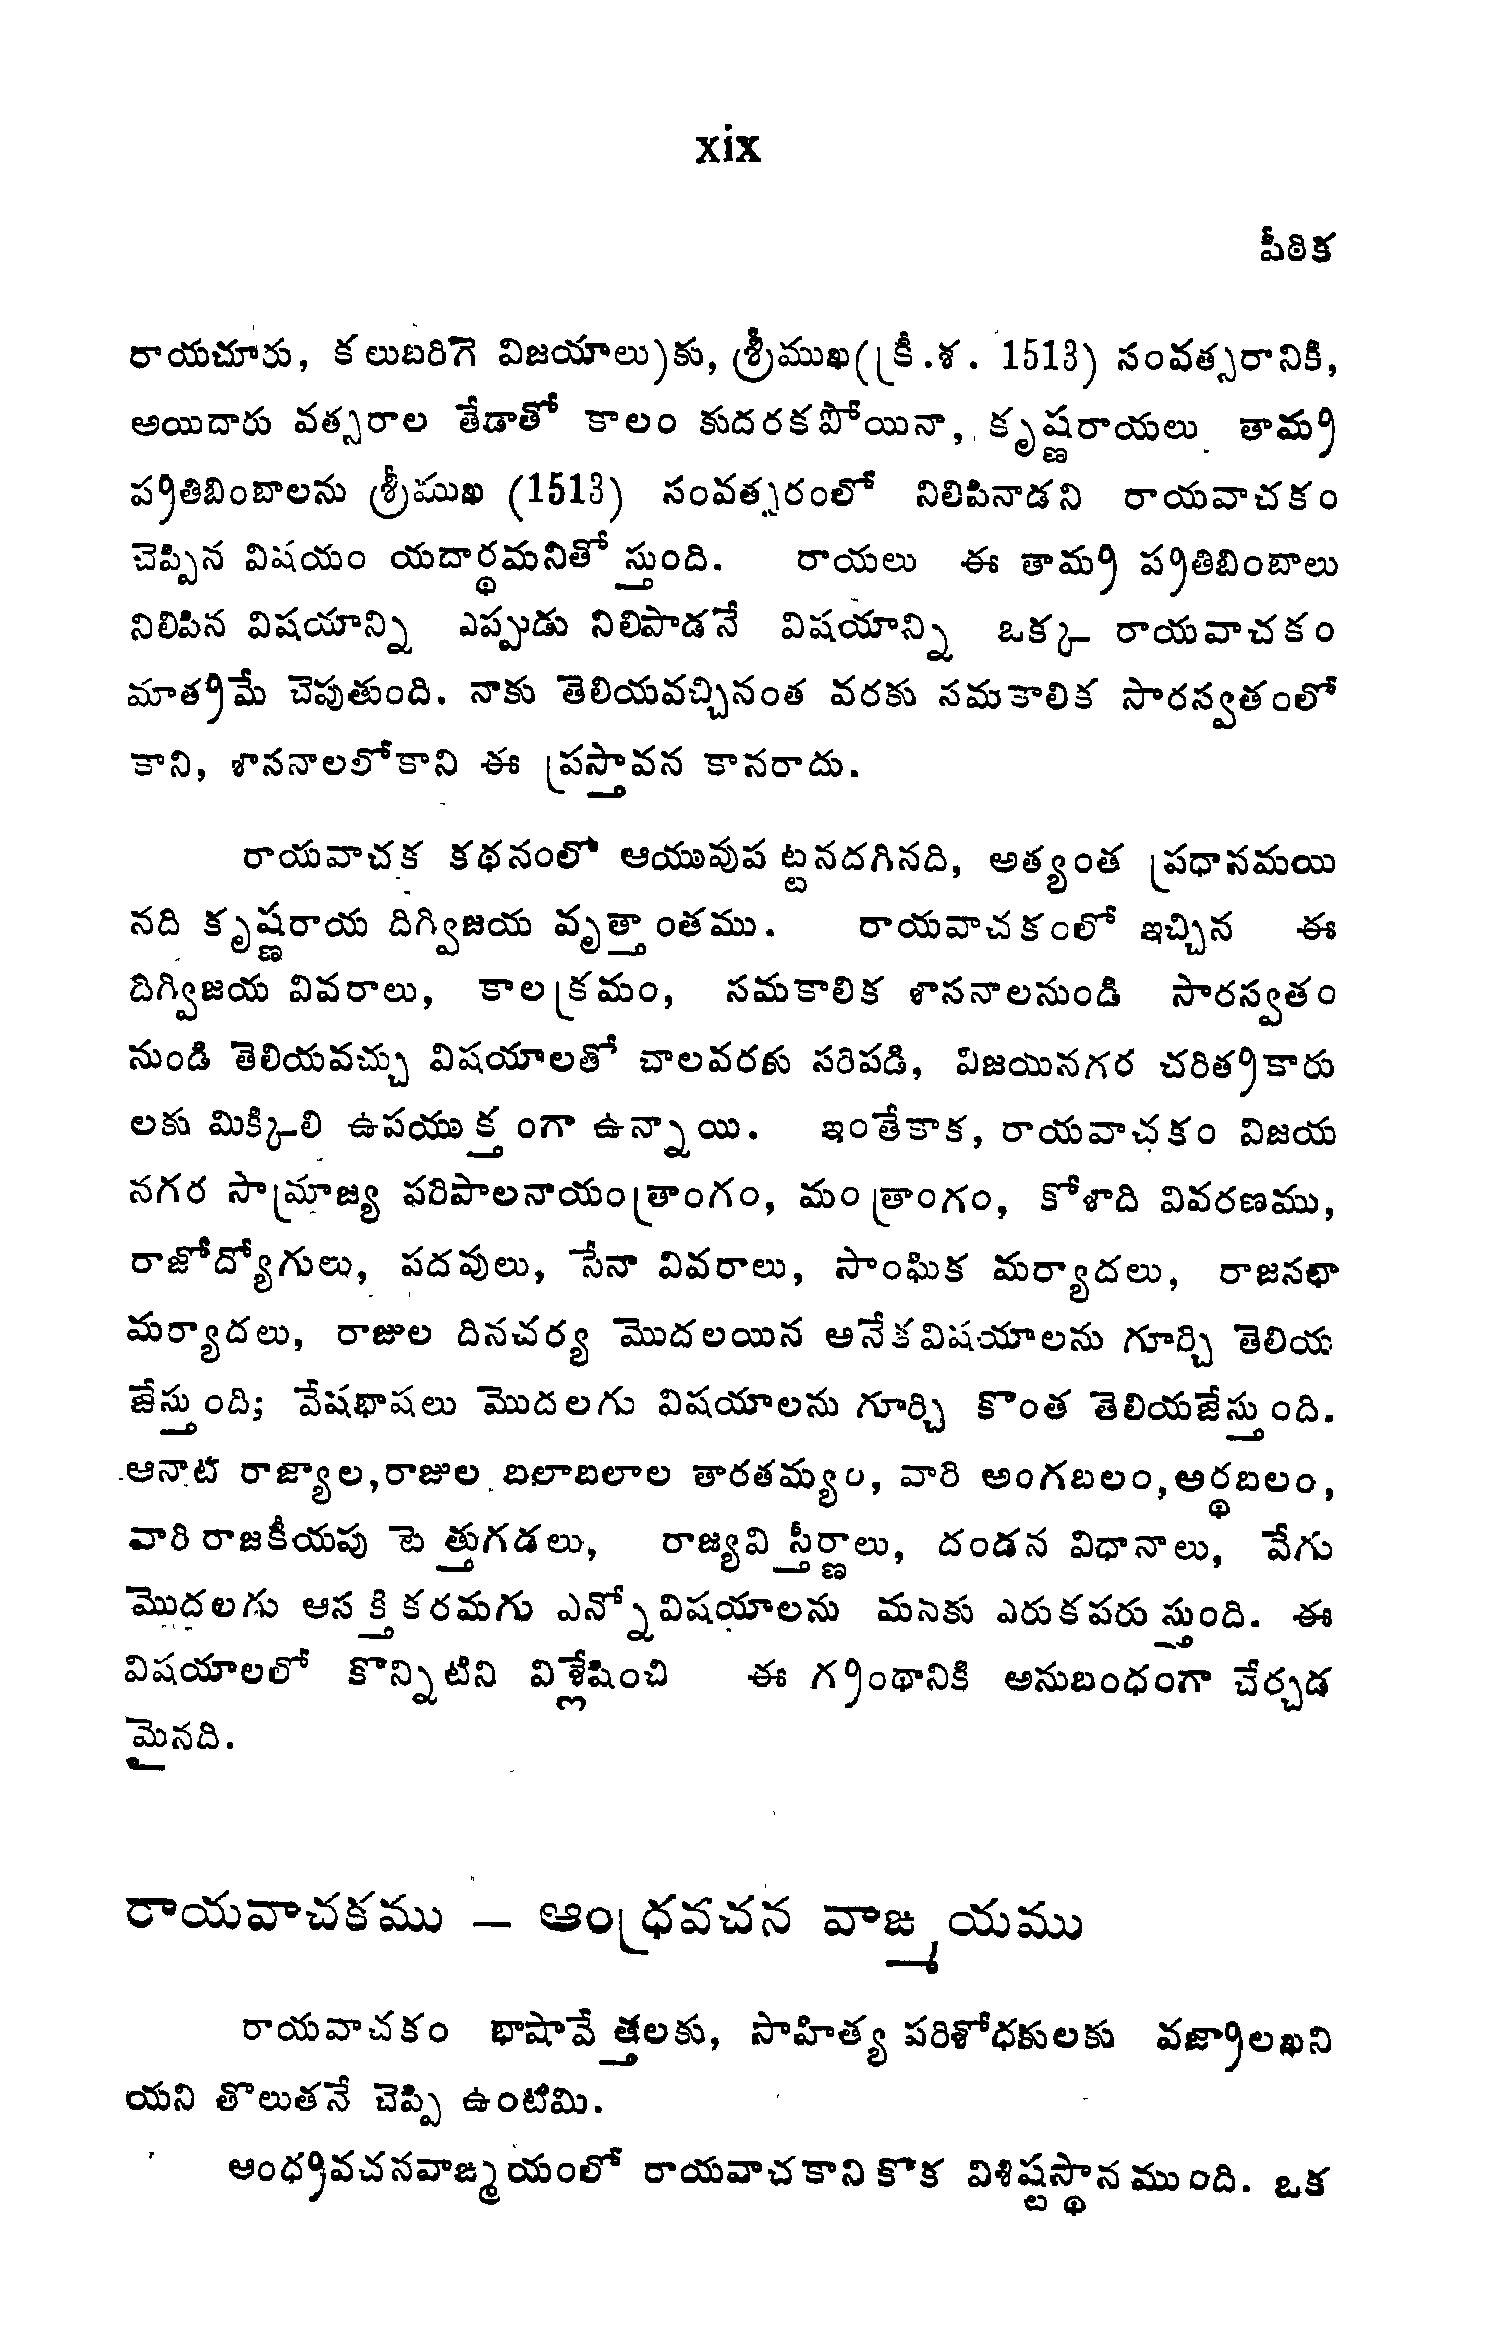రాయచూరు, కలుబరిగె విజయాలు)కు, శ్రీముఖ (క్రీ.శ. 1513) సంవత్సరానికి, అయిదారు వత్సరాల తేడాతో కాలం కుదరకపోయినా, కృష్ణరాయలు తామ్రప్రతిబింబాలను శ్రీముఖ (1513) సంవత్సరంలో నిలిపినాడని రాయవాచకం చెప్పిన విషయం యదార్థమని తోస్తుంది. రాయలు ఈ తామ్రప్రతిబింబాలు నిలిపిన విషయాన్ని ఎప్పుడు నిలిపాడనే విషయాన్ని ఒక్క రాయవాచకం మాత్రమే చెపుతుంది. నాకు తెలియవచ్చినంత వరకు సమకాలికసారస్వతంలో కాని, శాసనాలలోకాని ఈ ప్రస్తావన కానరాదు.

రాయవాచకకథనంలో ఆయువుప ట్టనదగినది, అత్యంతప్రధాన మయినది కృష్ణరాయ దిగ్విజయ వృత్తాంతము. రాయవాచకం లో ఇచ్చిన ఈ దిగ్విజయ వివరాలు, కాలక్రమం, సమకాలికశాసనాలనుండి సారస్వతం నుండి తెలియవచ్చు విషయాలతో చాలవరకు సరిపడి, విజయనగర చరిత్రకారులకు మిక్కిలి ఉపయుక్తంగా ఉన్నాయి. ఇంతేకాక, రాయవాచకం విజయనగర సామ్రాజ్య పరిపాలనాయంత్రాంగం, మంత్రాంగం, కోశాది వివరణము, రాజోద్యోగులు, పదవులు, సేనా వివరాలు, సాంఘిక మర్యాదలు, రాజసభామర్యాదలు, రాజుల దినచర్య మొదలయిన అనేకవిషయాలను గూర్చి తెలియజేస్తుంది; వేషభాషలు మొదలగు విషయాలను గూర్చి కొంత తెలియజేస్తుంది. ఆనాటి రాజ్యాల రాజుల బలాబలాల తారతమ్యం, వారి అంగబలం, అర్థబలం, వారి రాజకీయపు టెత్తుగడలు, రాజ్యవిస్తీర్ణాలు, దండన విధానాలు, వేగు మొదలగు ఆసక్తికరమగు ఎన్నో విషయాలను మనకు ఎరుకపరుస్తుంది. ఈ విషయాలలో కొన్నిటిని విశ్లేషించి ఈ గ్రంథానికి అనుబంధంగా చేర్చడమైనది.
రాయవాచకము - ఆంధ్రవచనవాఙ్మయము
రాయవాచకం భాషావేత్తలకు, సాహిత్య పరిశోధకులకు వజ్రాలఖని యని తొలుతనే చెప్పి ఉంటిమి.

ఆంధ్రవచనవాఙ్మయంలో రాయవాచకాని కొకవిశిష్టస్థాన ముంది. ఒక